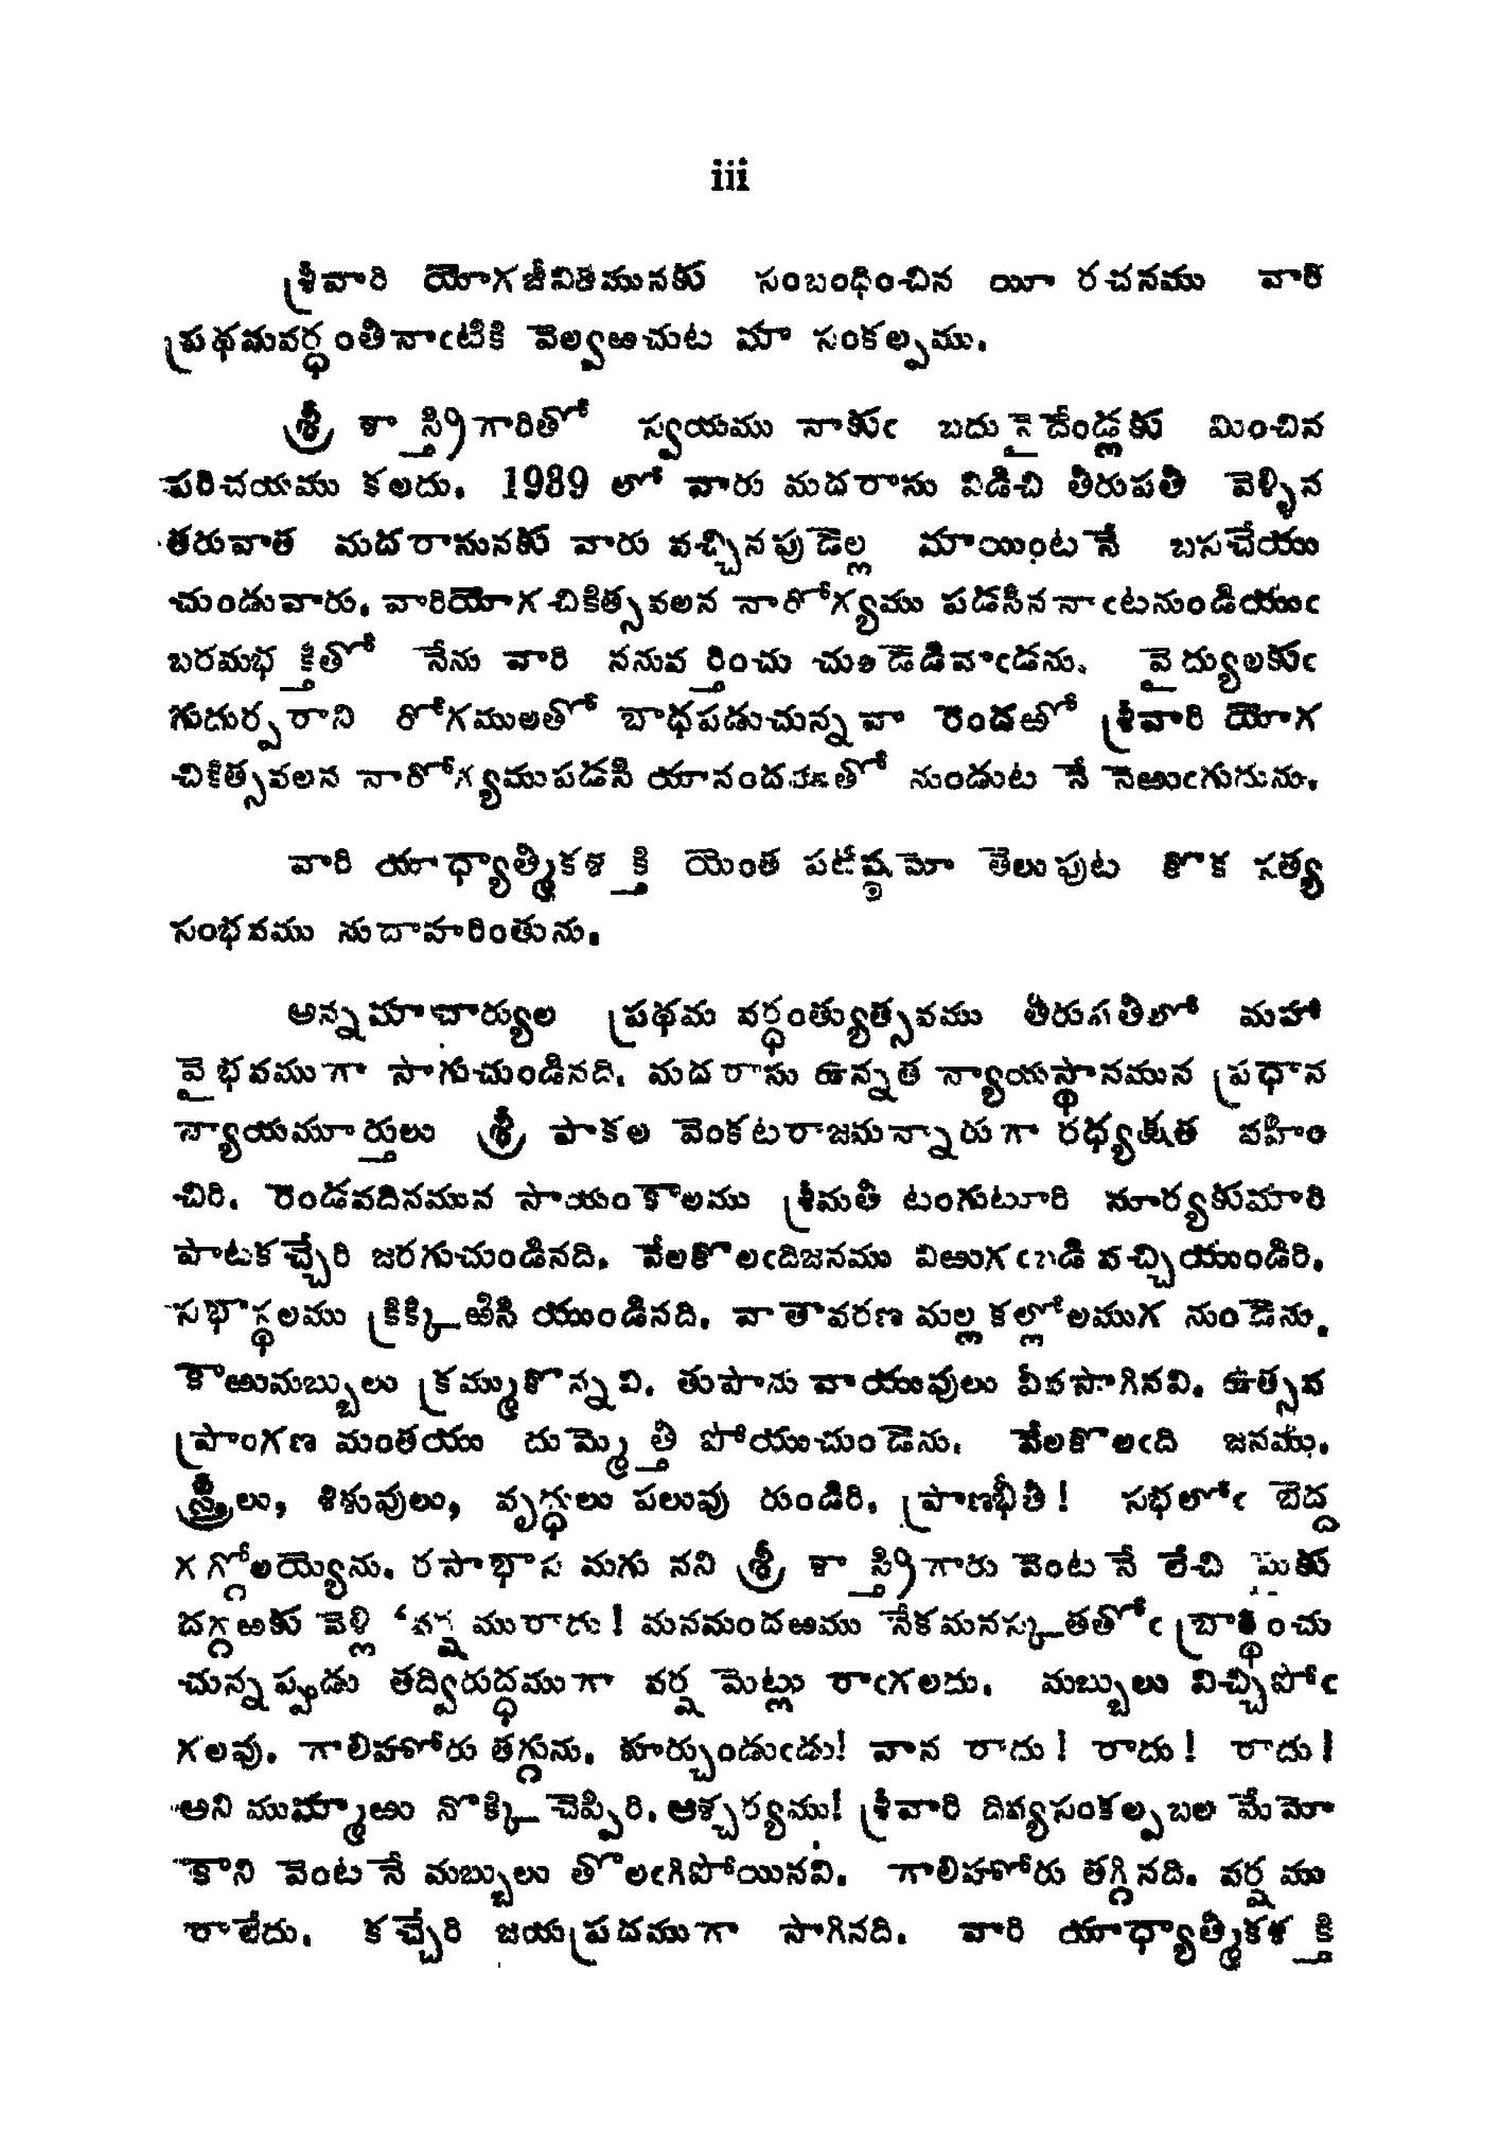శ్రీవారి యోగ జీవితమునకు సంబంధించిన యీ రచనము వారి ప్రధమ వర్ధంతి నాఁటికి వెల్వఱచుట మా సంకల్పము.

శ్రీ శాస్త్రి గారితో స్వయము నాకుఁ బదునై దేండ్లకు మించిన పరిచయము కలదు. 1939లో వారు మదరాసు విడిచి తిరుపతి వెళ్ళిన తరువాత మదరాసునకు వారు వచ్చునపుడెల్ల మాయింటనే బస చేయు చుండువారు. వారియోగ చికిత్స వలన నారోగ్యము పడసిన నాఁట నుండియుఁ బరుమభక్తితో నేను వారి ననువర్తించు చుండడివాఁడను. వైద్యులకుఁ గుదుర్పరాని రోగాములతో బాధపడుచున్నవా రెందఱో శ్రీ వారి యోగచికిత్స వలన నారోగ్యము పడసి యానందముతో నుండుట నే నెఱుఁగుదును.
 
వారి యాధ్యాత్మిక శక్తి యెంత పటిష్ఠ మో తెలుపుట కొక సత్య సంభవము నుదా హరింతును.

అన్నమాచార్యుల ప్రధమ వర్ధంత్యుత్సవము తిరుపతిలో మహా వైభవముగా సాగు చుండినది. మదరాసు ఉన్నత న్యాయస్దానమున ప్రధాన న్యాయమూర్తులు శ్రీ పాకాల వెంకటరాజమన్నారుగా రధ్యక్షత వహించిరి. రెండవదినమున సాయంకాలము శ్రీమతి టంగుటూరి సూర్యకుమారి పాటకచ్చేరి జరగుచుండినది. వేలకొలదిఁ జనము విఱుగఁబడి వచ్చియుండిరి. సభాస్ధలము క్రిక్కిఱిసి యుండినది వాతావరణమల్లకల్లోల ముగనుండెను. కాఱుమబ్బులు క్రమ్ముకొన్నవి. తుపాను వాయువులు వీవసాగినవి. ఉత్సవ ప్రాంగణ మంతయు దుమ్మెత్తి పోయు చుండెను. వేలకొలఁది జనము. స్రీలు, శిశువులు, వృద్ధులుపలువురుండిరి. ప్రాణభీతి! సభలోఁబెద్దగ్లోలయ్యెను. రసాభాసమగు నని శ్రీ శాస్త్రిగారు వెంటనే లేచి మైకు దగ్గఱకు వెళ్లి 'వర్ష మురాదు! మనమందఱము నేకమనస్కతతోఁ బ్రార్థించు చున్నప్పుడు తద్విరుద్ధముగా వర్ష మెట్లు రాఁగలదు. మబ్బులు విచ్చిపోఁ గలవు. గాలిహొరు తగ్గును. కూర్చుండుఁడు! వాన రాదు! రాదు! రాదు!' అని మమ్మాఱు నొక్కి చెప్పిరి. ఆశ్చర్యము! శ్రీ వారి దివ్య సంకల్ప బలమేమో కాని వెంటనే మబ్బులు తొలఁగిపోయినవి. గాలి హొరు తగ్గినది. వర్షము రాలేదు. కచ్చేరి జయప్రదముగా సాగింది. వారి యాధ్యాత్మిక శక్తి